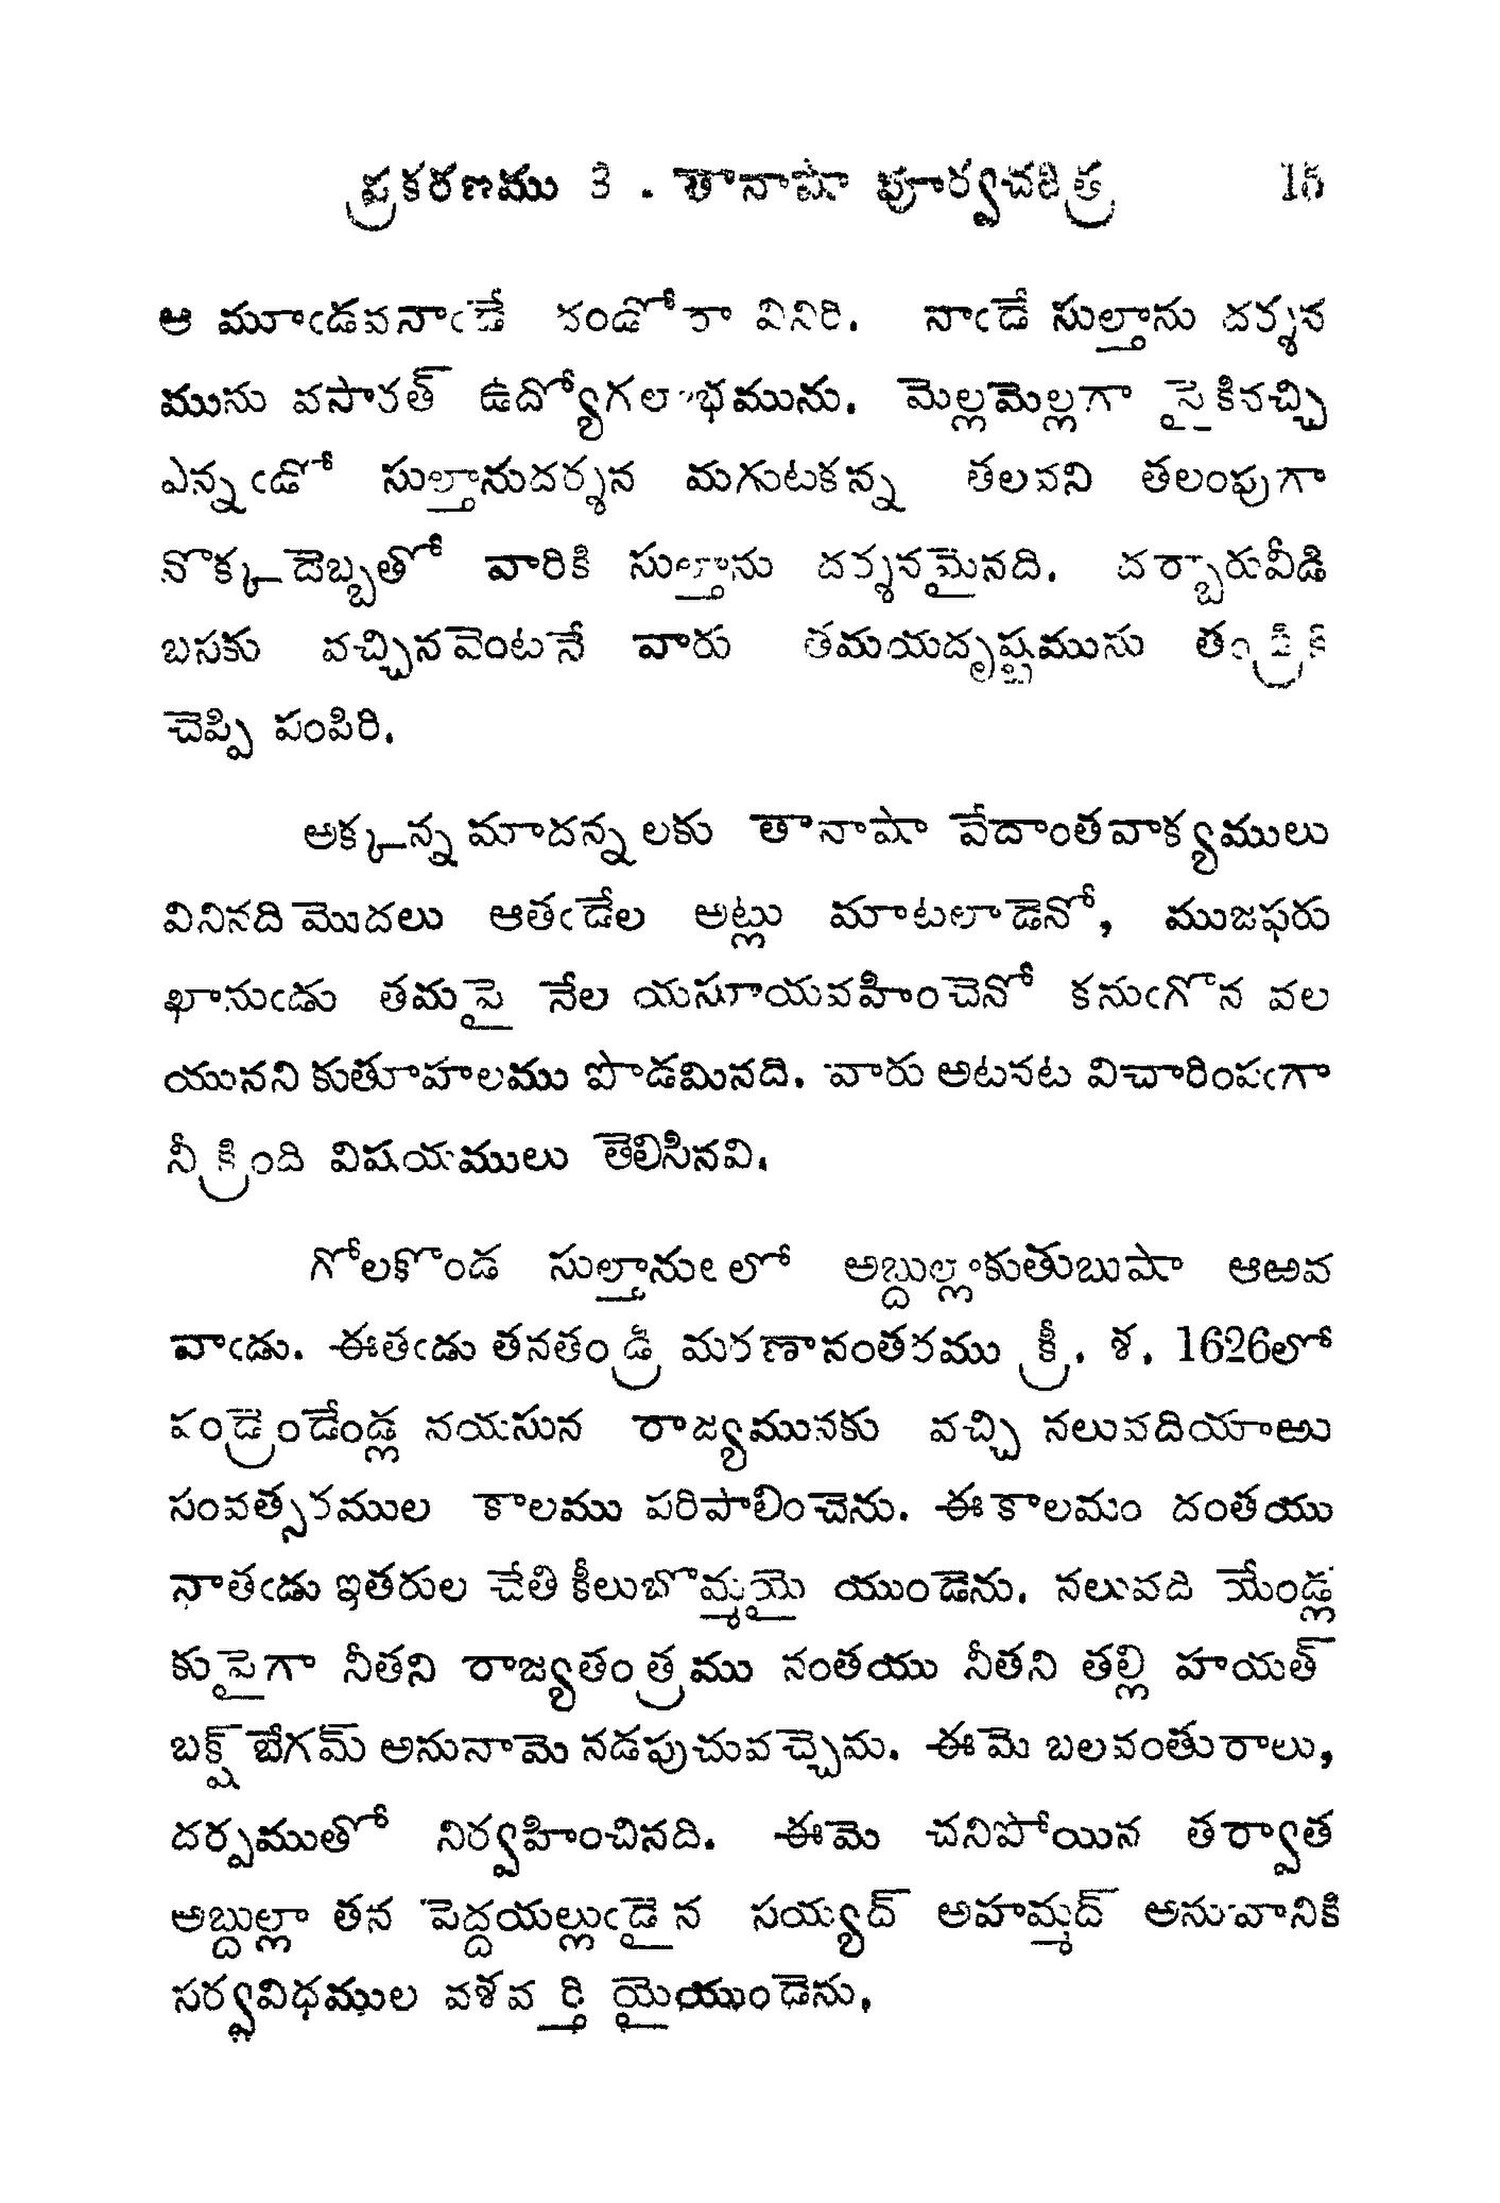ఆ మూఁడవనాఁడే దండోరా వినిరి. నాఁడే సుల్తాను దర్శనముసు వసారత్ ఉద్యోగలాభమును. మెల్లమెల్లగా పైకివచ్చి ఎన్నఁడో సుల్తానుదర్శన మగుటకన్న తలవని తలంపుగా నొక్కదెబ్బతో వారికి సుల్తాను దర్శనమైనది. దర్బారువీడి బసకు వచ్చినవెంటనే వారు తమయదృష్టమును తండ్రికి చెప్పి పంపిరి.

అక్కన్నమాదన్నలకు తానాషా వేదాంతవాక్యములు వినినది మొదలు ఆతఁడేల అట్లు మాటలాడెనో, ముజఫరుఖానుఁడు తమపై నేల యసూయవహించెనో కనుఁగొన వలయునని కుతూహలము పొడమినది. వారు అటనట విచారింపఁగా నీక్రింది విషయములు తెలిసినవి.

గోలకొండ సుల్తానులలో అబ్దుల్లాకుతుబుషా ఆఱవవాఁడు. ఈతఁడు తనతండ్రి మరణానంతరము క్రీ. శ. 1626లో పండ్రెండేండ్ల వయసున రాజ్యమునకు వచ్చి నలువదియాఱు సంవత్సరముల కాలము పరిపాలించెను. ఈకాలమం దంతయు నాతఁడు ఇతరుల చేతి కీలుబొమ్మయై యుండెను. నలువది యేండ్లకుపైగా నీతని రాజ్యతంత్రము నంతయు నీతని తల్లి హయత్‌బక్ష్‌బేగమ్ అనునావెు నడపుచువచ్చెను. ఈమె బలవంతురాలు, దర్పముతో నిర్వహించినది. ఈమె చనిపోయిన తర్వాత అబ్దుల్లా తన పెద్దయల్లుఁడైన సయ్యద్ అహమ్మద్ అనువానికి సర్వవిధముల వశవర్తి యైయుండెను.